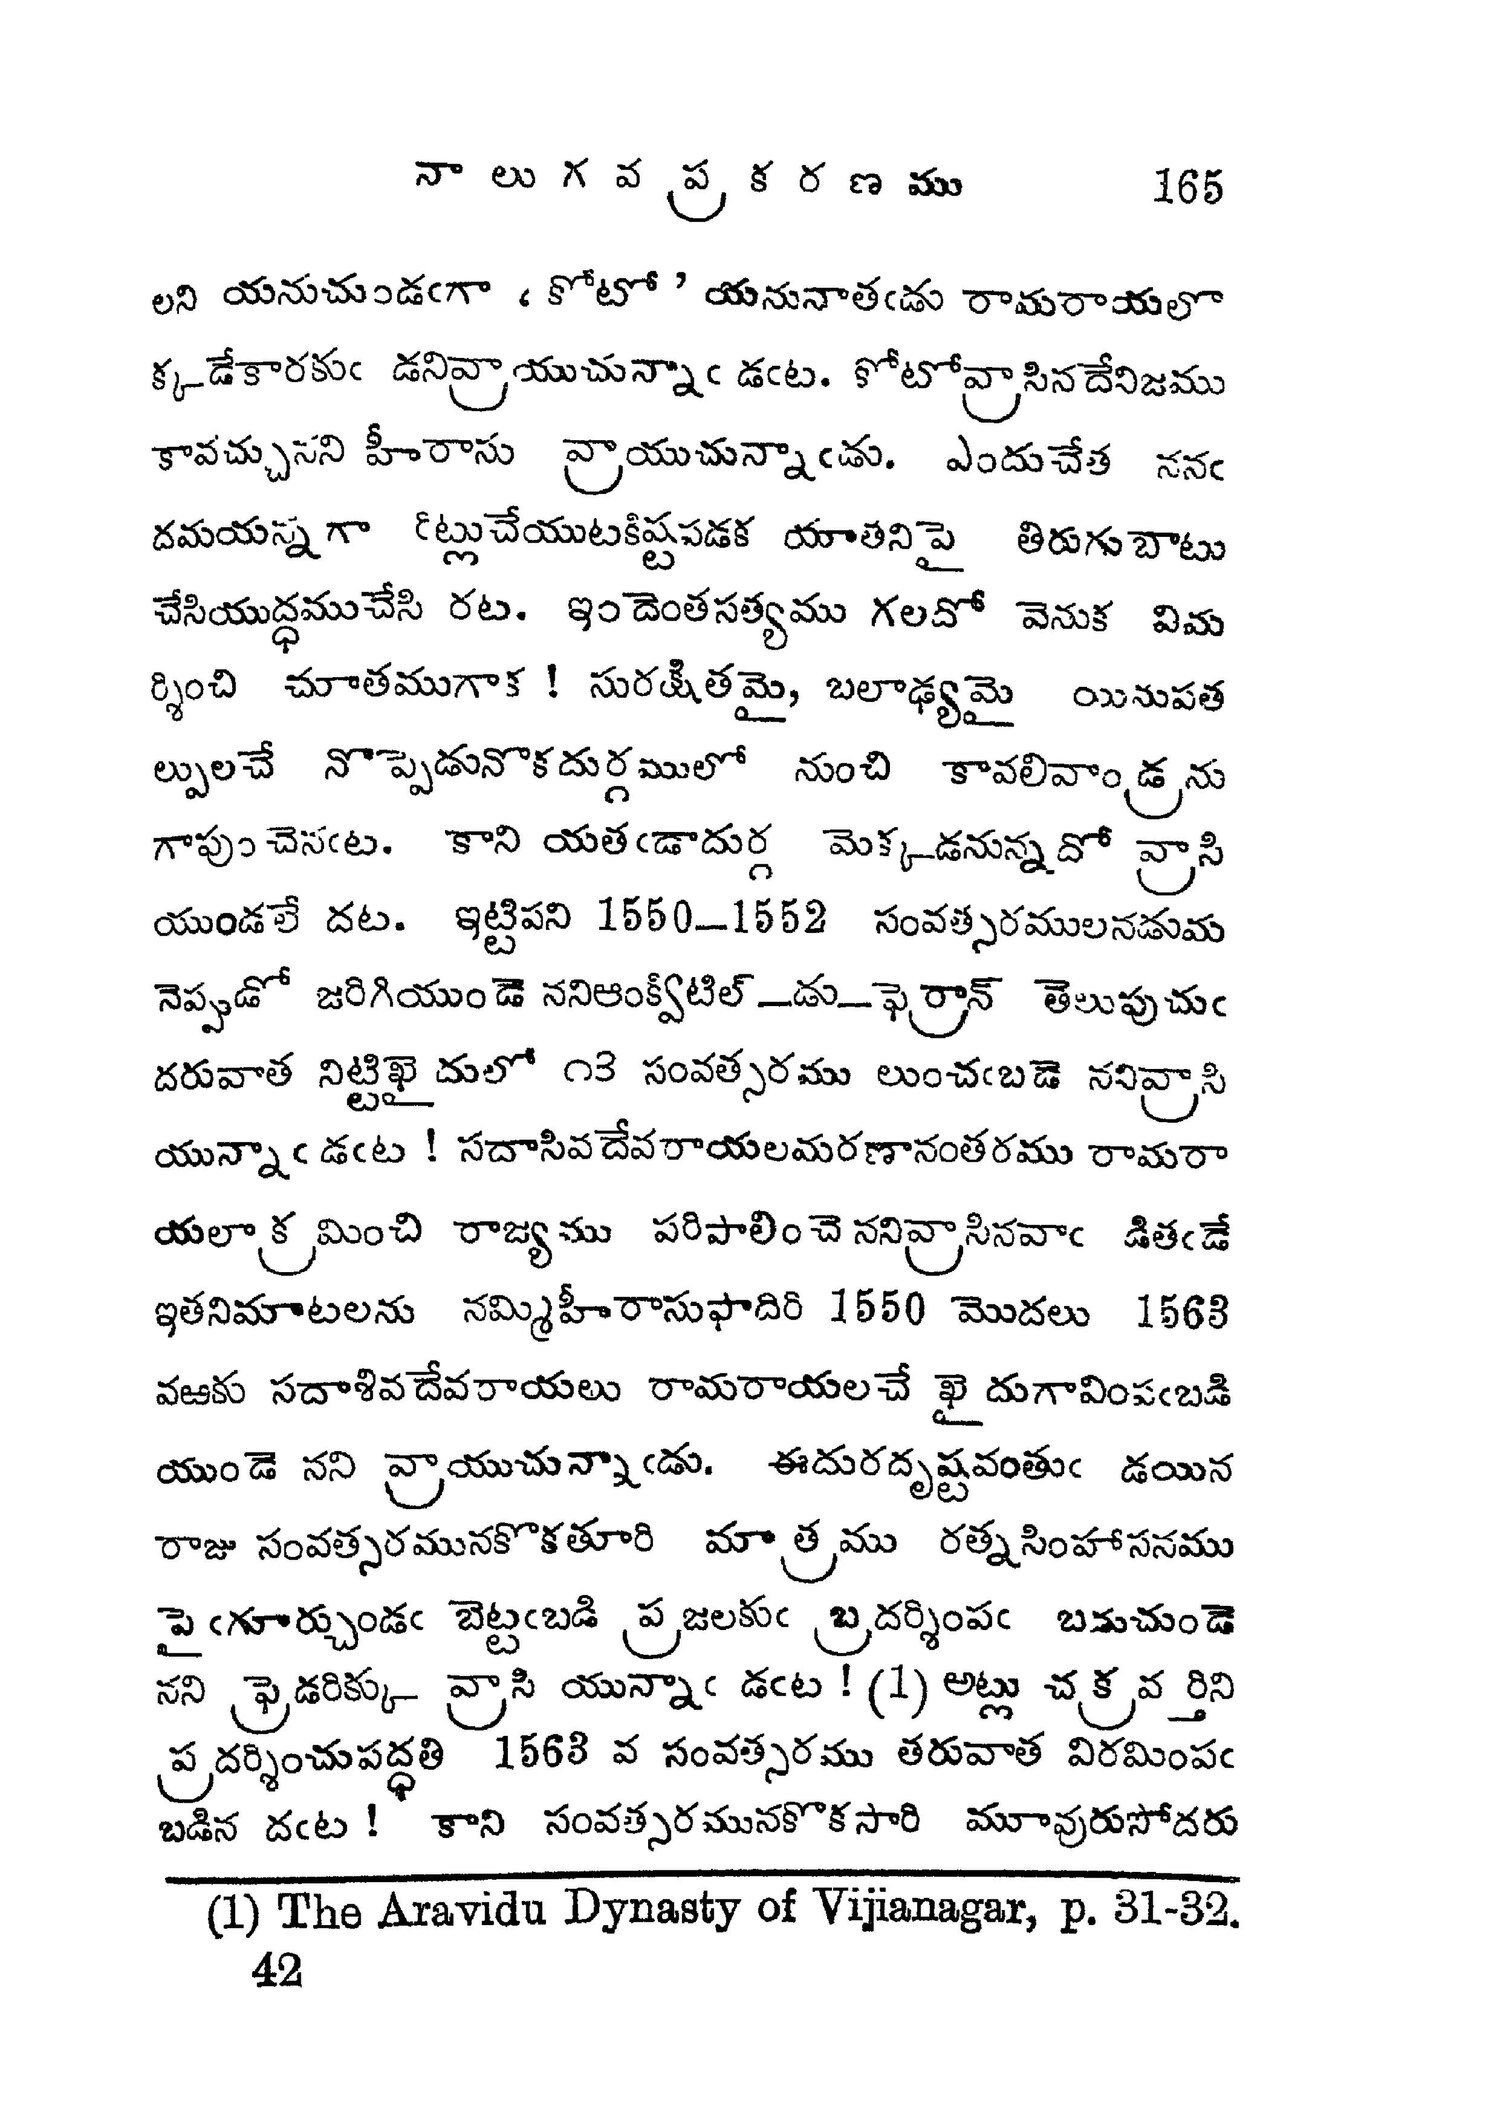లని యనుచుండగా 'కోటో' యనునాతడు రామరాయలొక్కడేకారకు డనివ్రాయుచున్నాడట. కోటోవ్రాసినదేనిజము కావచ్చునని హీరాసు వ్రాయుచున్నాడు. ఎందుచేత నన దమయన్నగా రిట్లుచేయుటకిష్టపడక యాతనిపై తిరుగుబాటుచేసి యుద్ధముచేసి రట. ఇందెంతసత్యము గలదో వెనుక విమర్శించి చూతముగాక! సురక్షితమై, బలాడ్యమై యినుపతల్పులచే నొప్పెడునొకదుర్గములో నుంచి కావలివాండ్రను గాపుంచెనట. కాని యతడాదుర్గ మెక్కడనున్నదో వ్రాసియుండలే దట. ఇట్టిపని 1550 - 1552 సంవత్సరములనడుమ నెప్పుడో జరిగియుండె ననిఆంక్విటిల్ - డు - ఫెరాన్ తెలుపుచు దరువాత నిట్టిఖైదులో 13 సంవత్సరము లుంచబడె ననివ్రాసి యున్నాడట! సదాశివదేవరాయల మరణానంతరము రామరాయలాక్రమించి రాజ్యము పరిపాలించెననివ్రాసినవా డితడే ఇతనిమాటలను నమ్మిహీరాసుఫాదిరి 1550 మొదలు 1563 వఱకు సదాశివదేవరాయలు రామరాయలచే ఖైదుగావింపబడి యుండె నని వ్రాయుచున్నాడు. ఈదురదృష్టవంతు డయినరాజు సంవత్సరమున కొకతూరి మాత్రము రత్నసింహాసనము పై గూర్చుండ బెట్టబడి ప్రజలకు బ్రదర్శింప బడుచుండెనని ఫ్రెడరిక్కు వ్రాసి యున్నా డట! అట్లు చక్రవర్తిని ప్రదర్శించుపద్ధతి 1563 వ సంవత్సరము తరువాత విరమింపబడిన దట! కాని సంవత్సరమునకొకసారి మూవురుసోదరు